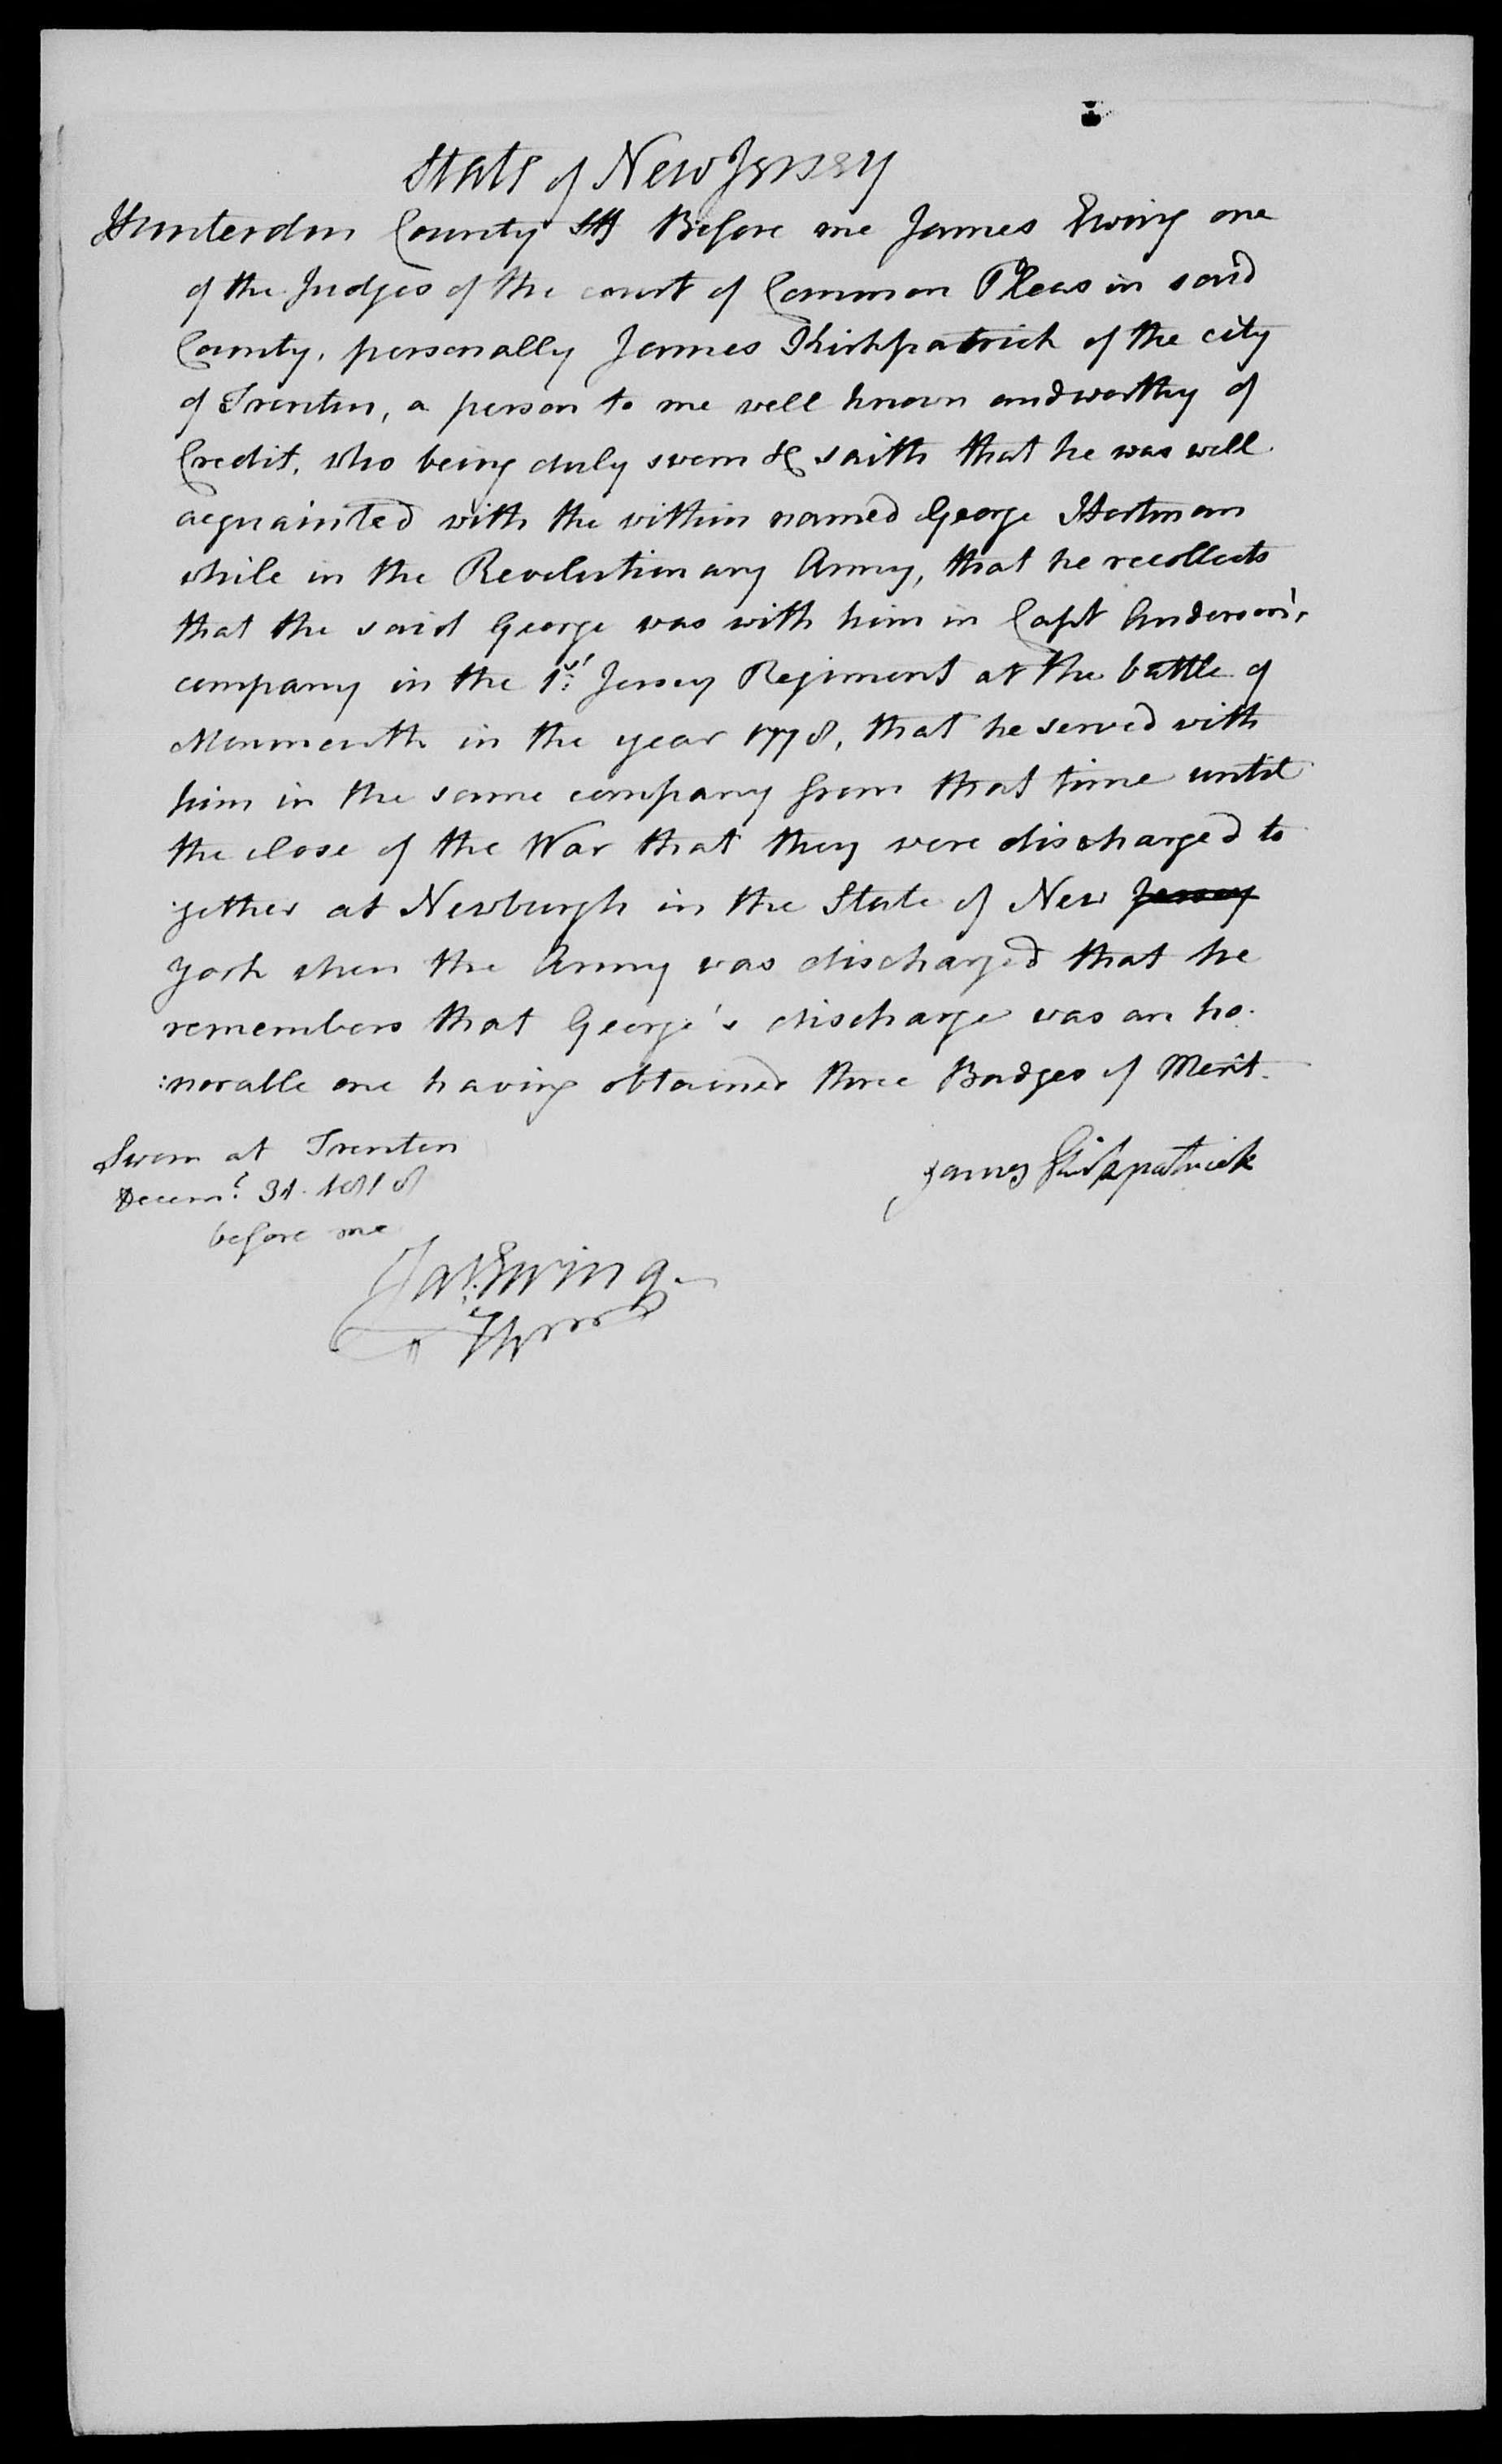State of New Jersey
Hunterdon County ss Before one James Ewing one
of the Judges of the court of Common Pleas in said
County, personally James Kirkpatrick of the city
of Trenton, a person to me well known and worthy of
Credit, who being duly sworn& saith that he was well
acquainted with the within named George Hartman
while in the Revolutionary Army, that he recollects
that the said George was with him in Capt. Anderson's
company in the 1st Jersey Regiment at the battle of
Monmouth in the year 1778, that he served with 
him in the same company from that time until
the close of the War that they were discharged to
gather at Newburgh in the State of New [crossed out]
York when the Army was discharged that he
remembers that George's discharge was an honorable
one having obtained three Badges of Merit.
Sworn at Trenton
Decenr 34 1818 | James Kirkpatrick
before me
Jas Ewing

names: James Kirkpatrick, James Ewing, George Hartman, George, James Kirkpatrick, Jas Ewing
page: 5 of 29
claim: widow's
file: W. 2,789, George Hartman, New Jersey